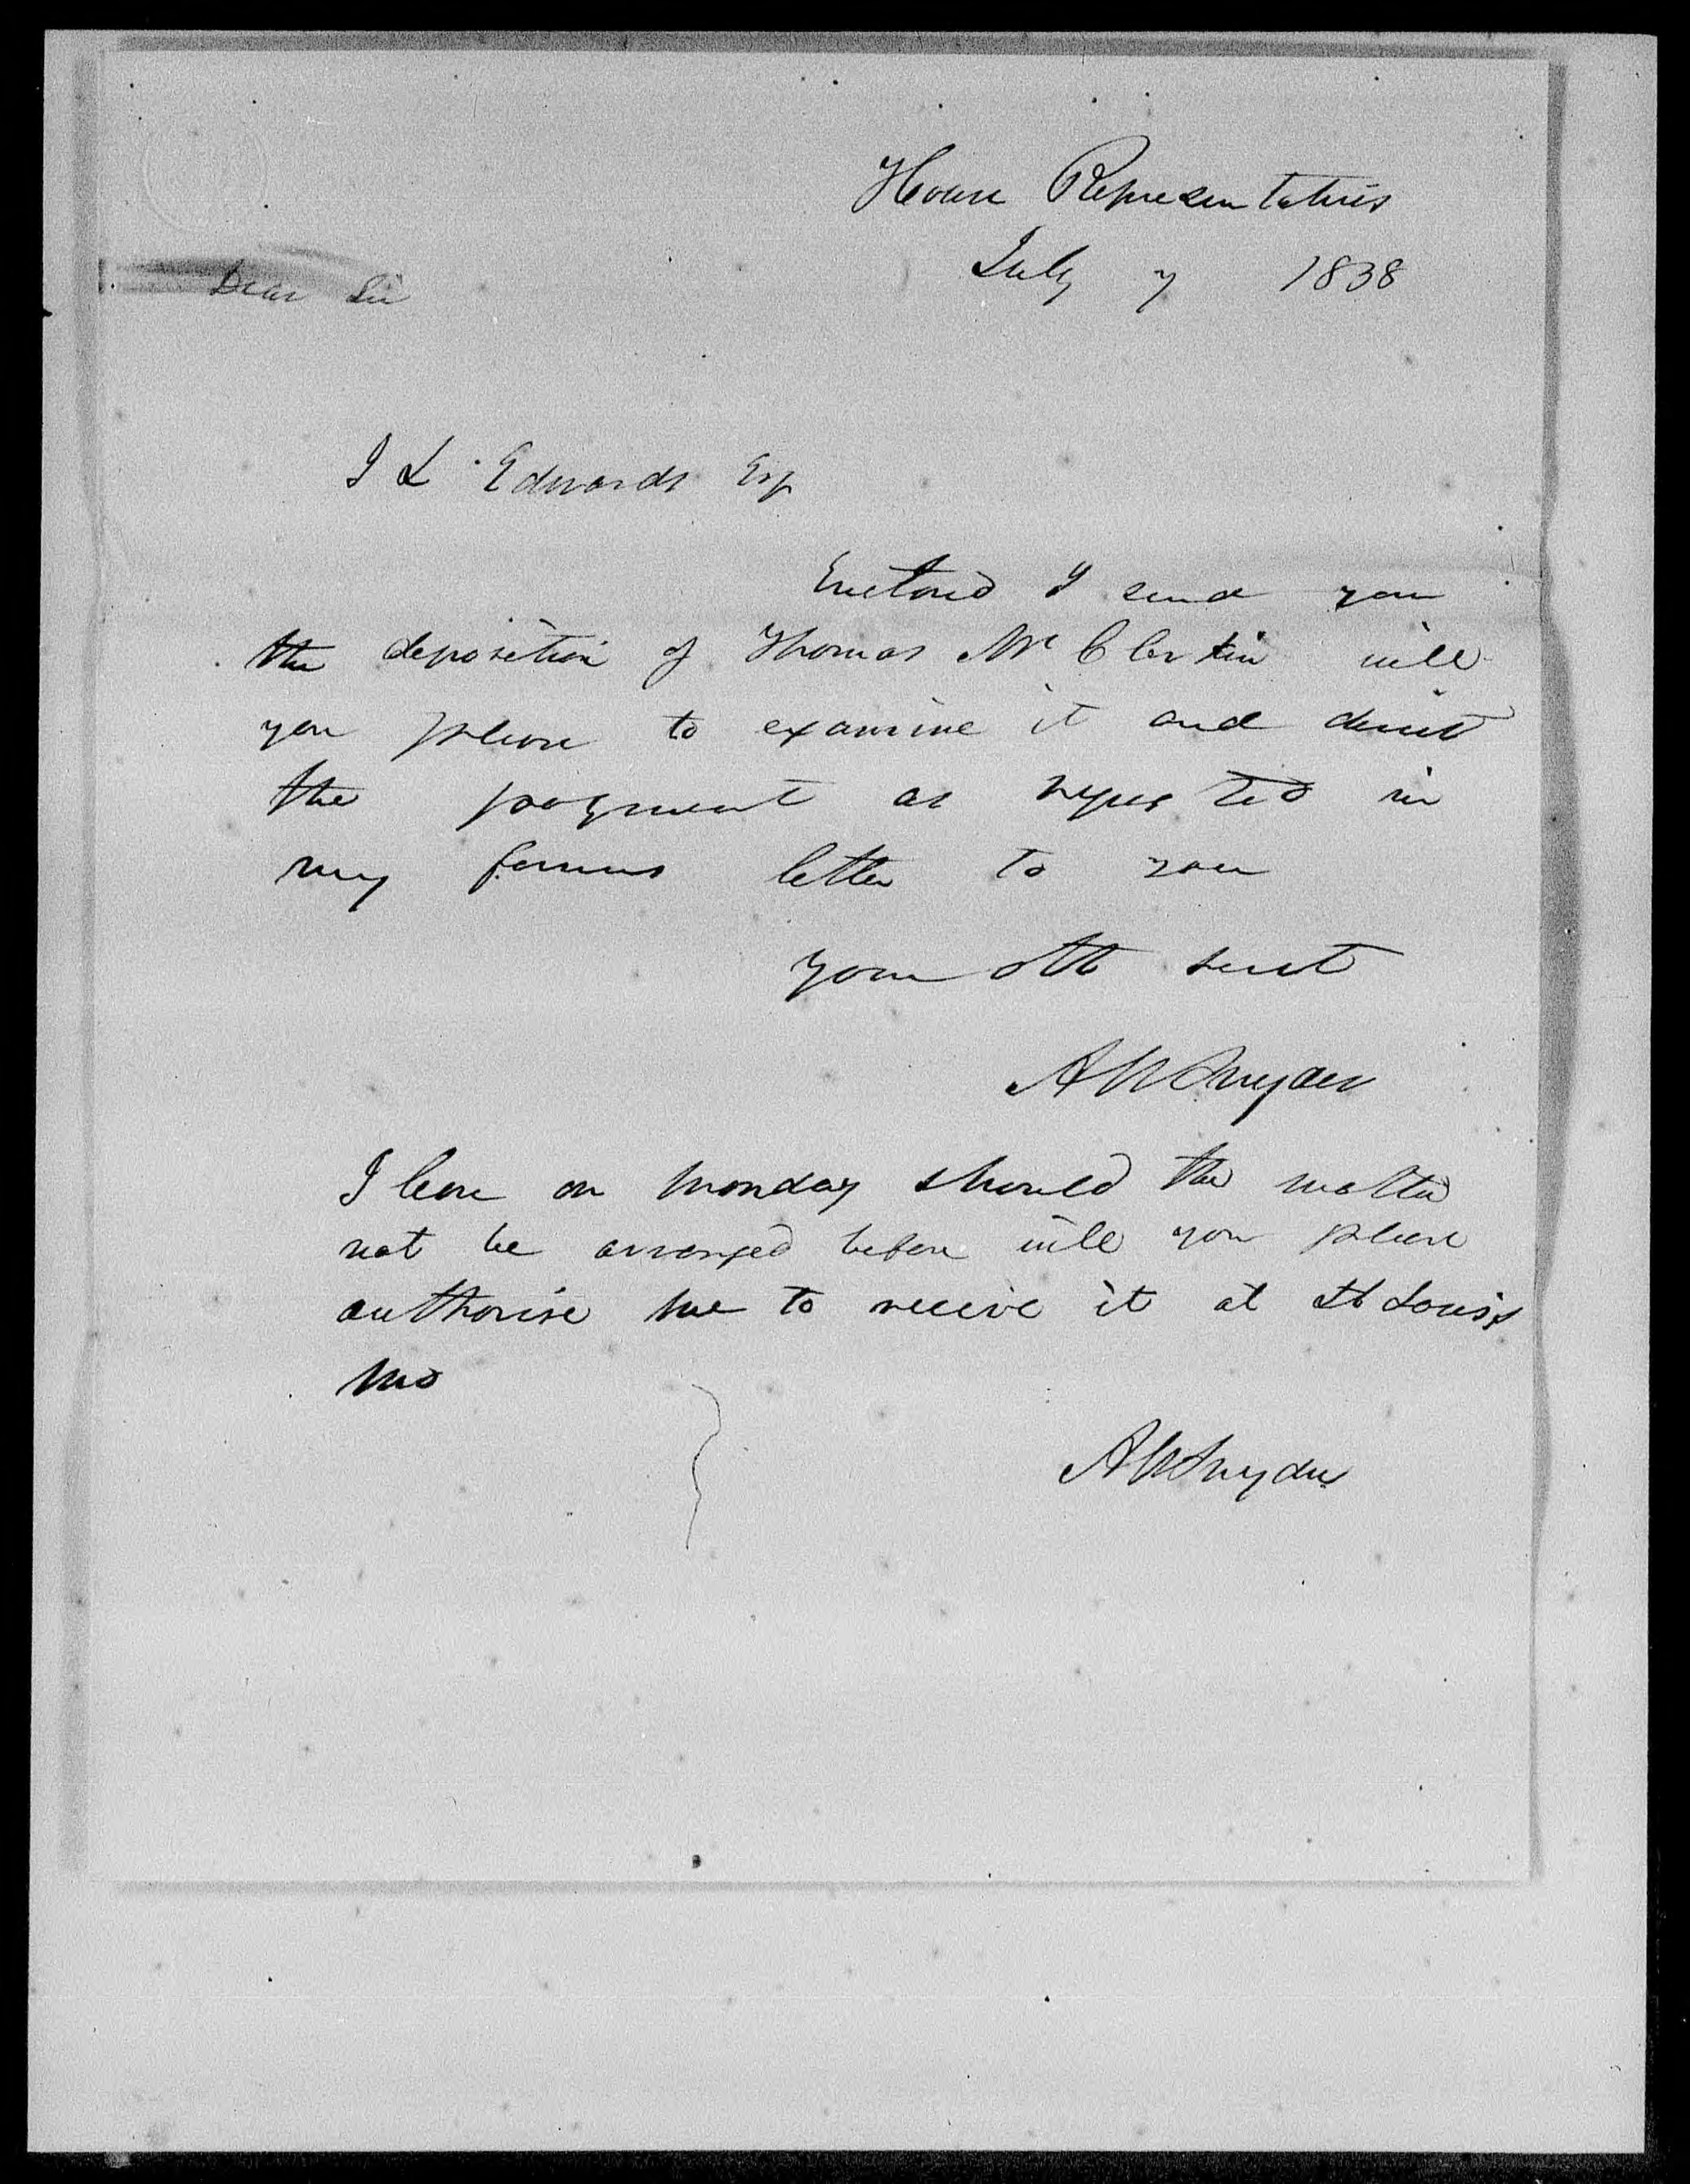House Representatives 
July 7 1838 

Dear Sir

J L Edwards Esq 

Enclosed I send you the deposition of Thomas McClurken. will you please to examine it and decide payment as requested in my former letter to you.

your obt servt 
A M Snyder 

I leave on Monday should the matter not be arranged before will you please authorize me to receive it at St Louis 

Al Snyder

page: 42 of 93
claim: widow's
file: W. 21792, for Thomas Mc Clurken, South Carolina